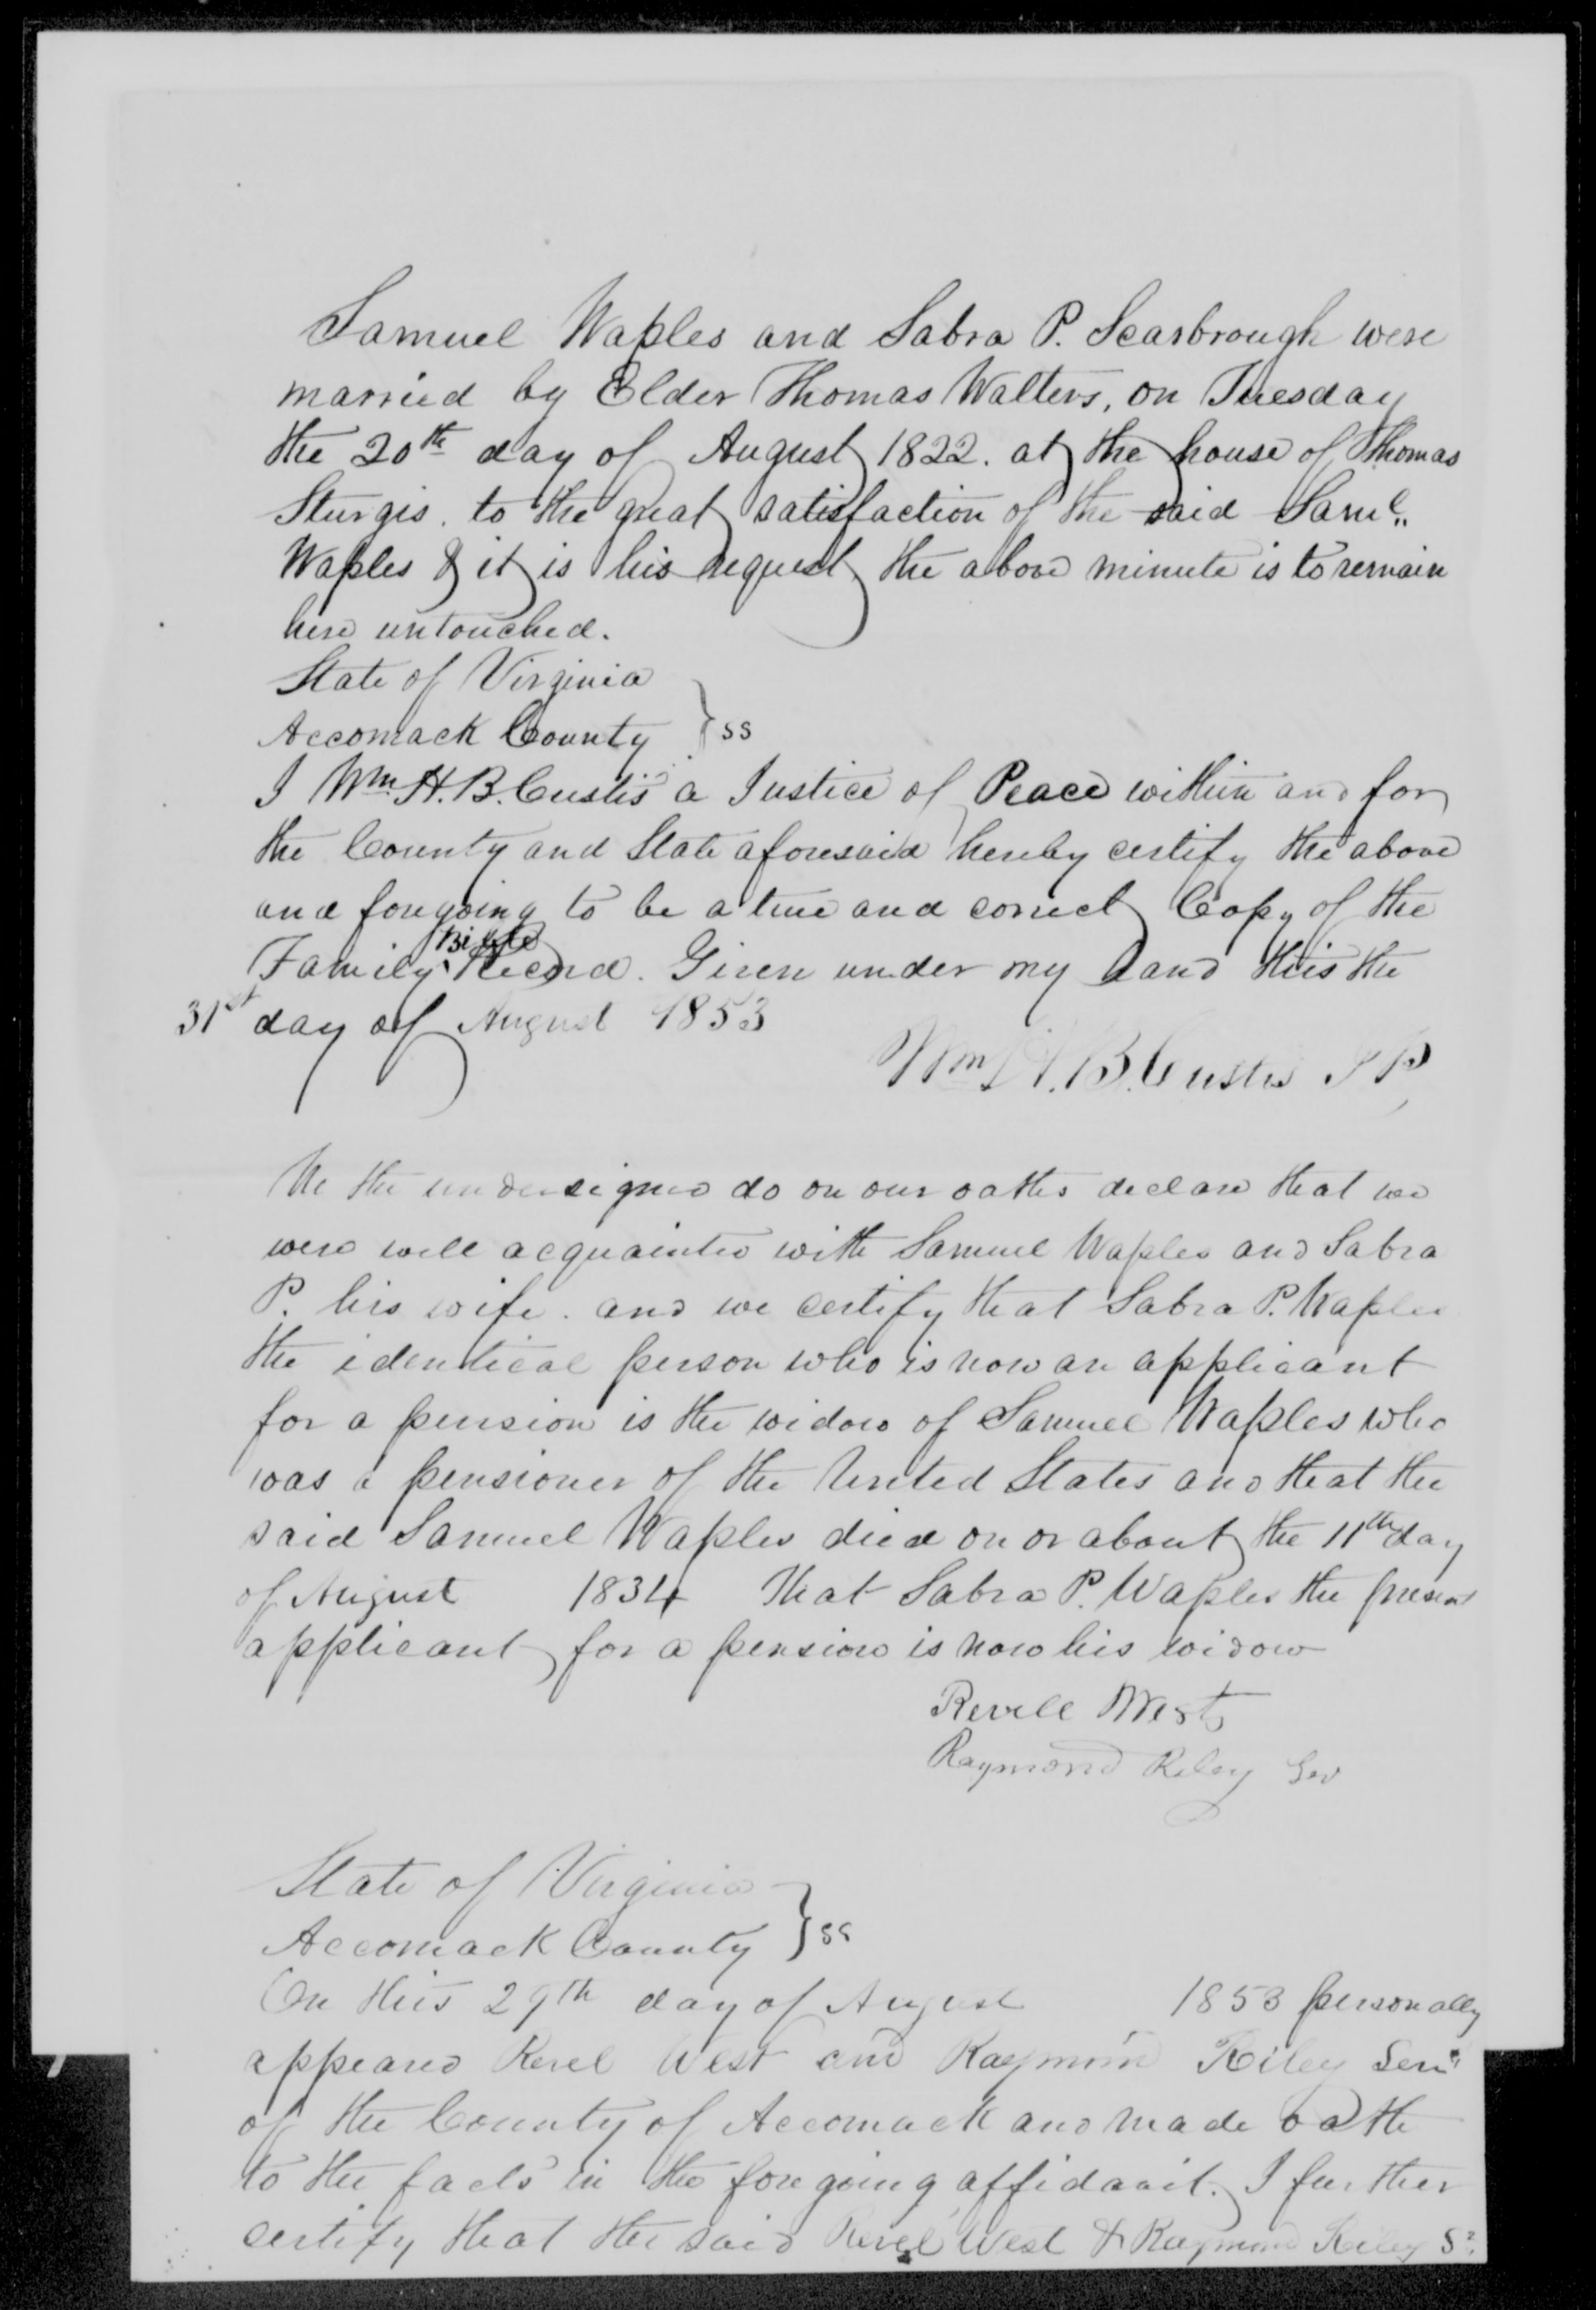Samuel Waples and Sabra P. Scarbrough were married by Elder Thomas Walters, on Tuesday the 20th day of August 1822 at the house of Thomas Sturgis to the great satisfaction of the said Sam'l Waples & it is his request the above minute is to remain here untouched,

State of Virginia Accomack County } ss

I Wm H. B. Custis a Justice of Peace within and for the County and State aforesaid hereby certify the above and foregoing to be a true and correct copy of the Family Bible Record. Given under my hand this the 31st day of August 1853
Wm. H. B. Custis JP

We the undersigned do on our oaths declare that we were well acquainted with Samuel Waples and Sabra P. his wife and we certify that Sabra P. Waples the identical person who is now an applicant for a pension is the widow of Samuel Maples who was a pensioner of the United States and that the said Samuel Waples died on or about the 11th day of August 1834 That Sabra P. Waples the present applicant for a pension is now his widow
Revell West
Raymond Riley Senr

State of Virginia Accomack County } ss
On this 29th day of August 1853 personally appeared Revel West and Raymond Riley Senr of the County of Accomack and made oath to the facts in the foregoing affidavit. I further certify that the said Revel West & Raymond Riley Sr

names: Samuel Waples, Samuel Waples, Thomas Sturgis, Raymond Riley, Raymond Riley, Sabra P Waples, Revel West, Sabra P Waples, Saml Waples, Samuel Waples, Revell West, Sabra P Waples, Sabra P Scarbrough, Samuel Waples, Revel West, Wm H B Custis, Wm H B Custis, Raymond Riley, Thomas Walters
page: 7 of 59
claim: widow's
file: W. 6427, Samuel Waples, Va.